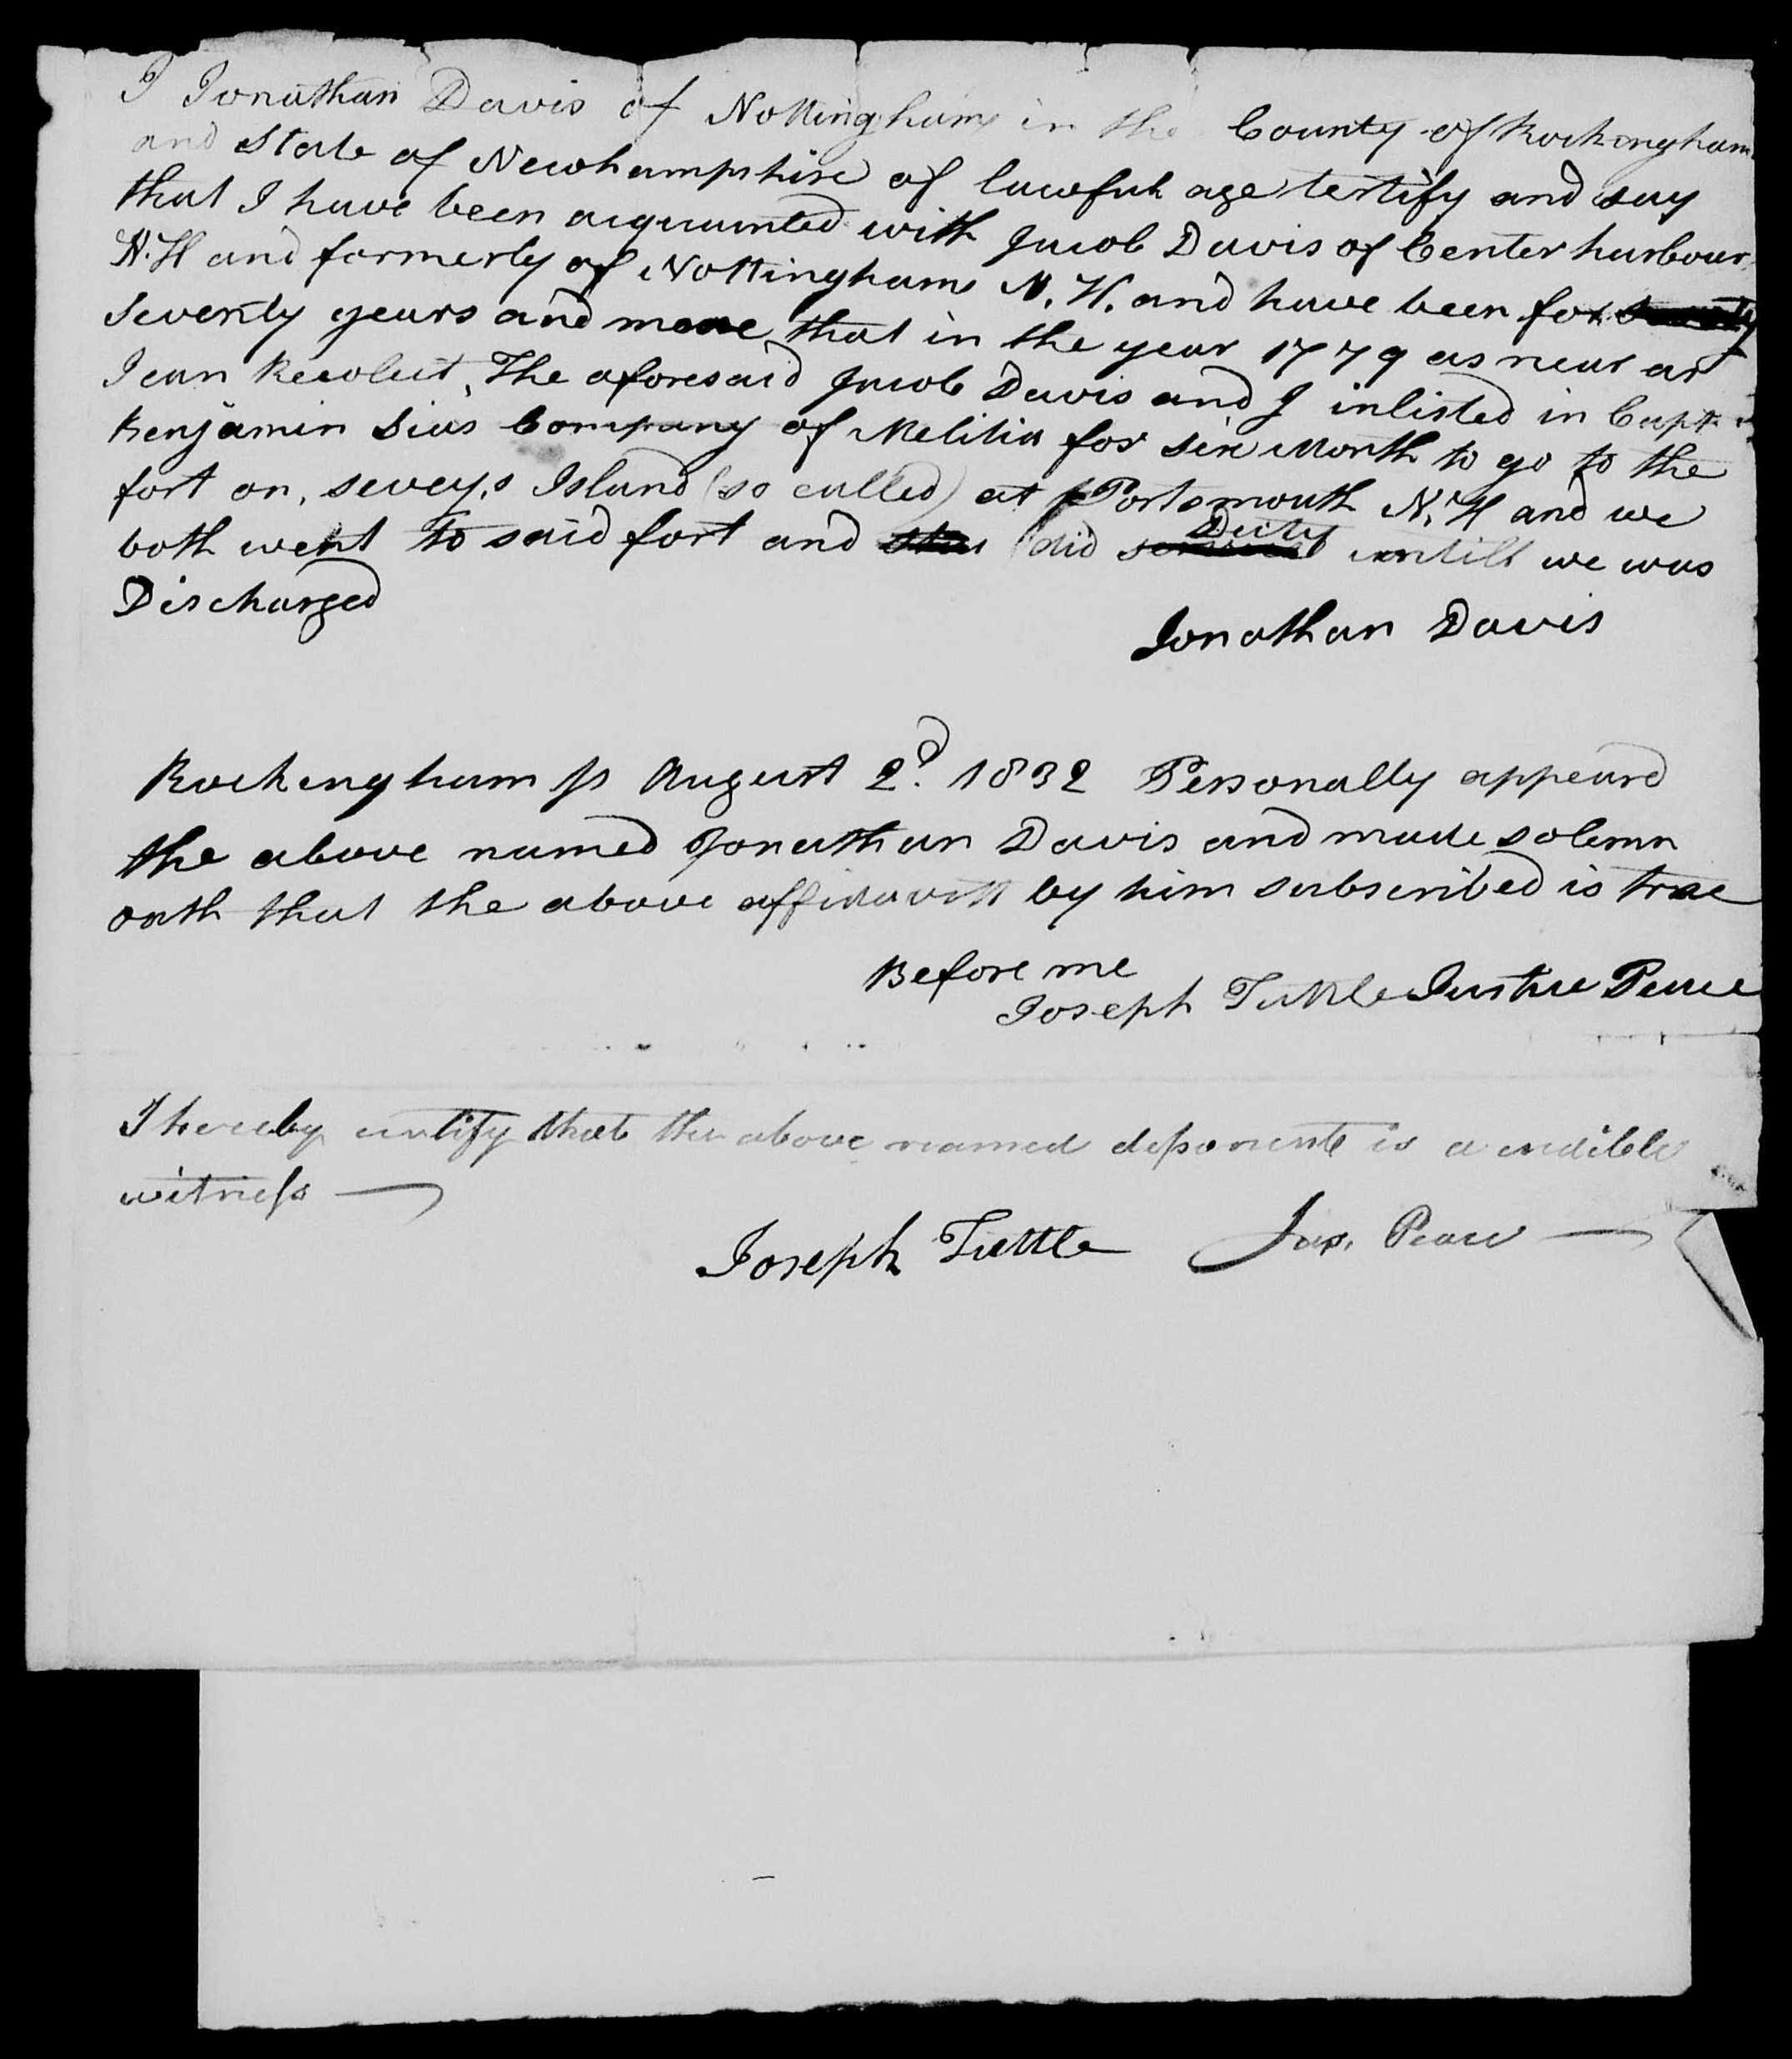I Jonathan Davis of Nottingham in the County of Rockingham and State of New hampshire of lawful age testify and say that I have been acquainted with Jacob Davis of Center harbour N. H. and formerly of Nottingham N.H. and have been for Seventy years and more that in the year 1779 as near as I can Recolect [Recollect], The aforesaid Jacob Davis and I inlisted in Capt Benjamin Sias['] Company of Militia for six month to go to the fort on, seveys [Seavey's] Island (so called) at Portsmouth N.H and we both went to said fort and did Duty untill we was Discharged
Jonathan Davis
Rockingham ss August 2d 1832 Personally appeared
the above named Jonathan Davis and made solemn
oath that the above affidavit by him subscribed is true
Before me
Joseph Tuttle Justice Peace
I hereby certify that the above named deponent is a credible witness
Joseph Tuttle Jus. Peace-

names: Jonathan Davis, Jacob Davis, Jonathan Davis, Joseph Tuttle, Joseph Tuttle, Jacob Davis, Jonathan Davis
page: 22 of 47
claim: widow's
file: W. 24043, Jacob Davis, N.H.